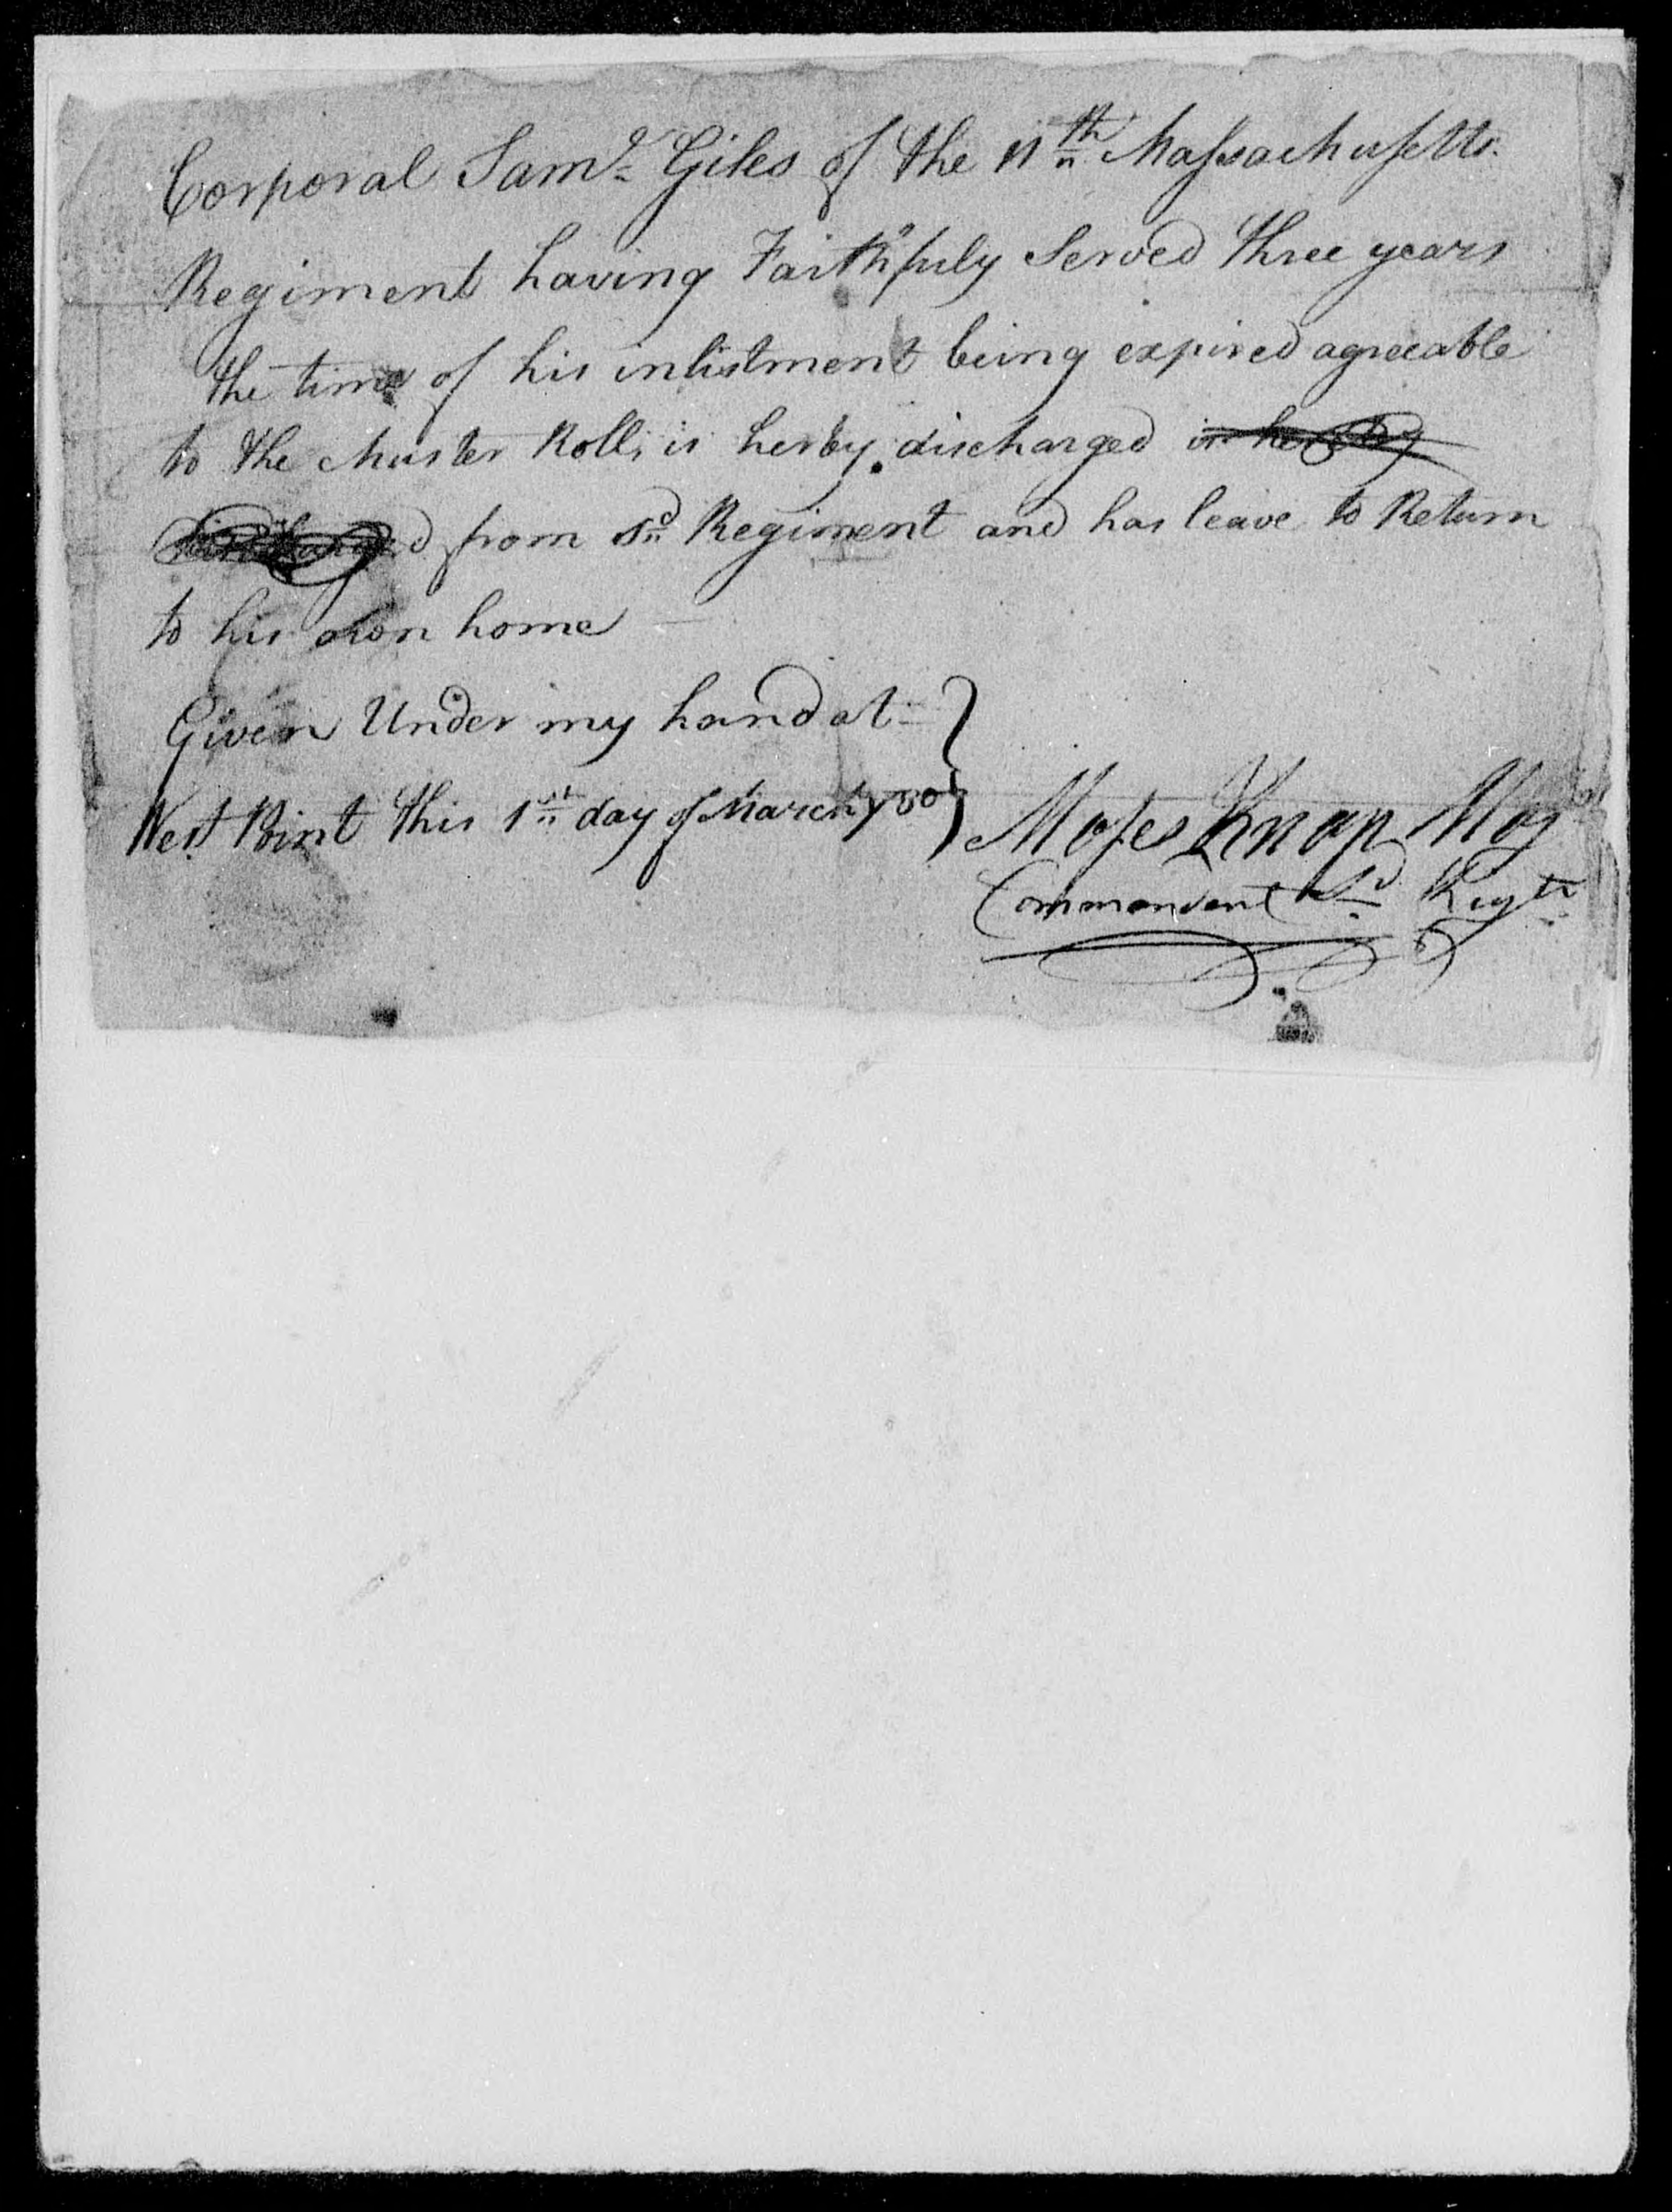Corporal Sam Giles of the 11th Massachusetts Regiment having Faithfully Served three years the time of his inlistment [enlistment] being expired agreeable to the Muster Roll, is hereby discharged [crossed out] from [illegible] Regiment and has leave to Return to his own home - 
Given Under my hand at West Point this 1st day of March [illegible]
Moses Knap Maj
Commandant [illegible]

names: Moses Knap, Saml Giles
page: 32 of 55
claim: widow's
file: W. 19503, Samuel Giles, Conti. Mass. New York